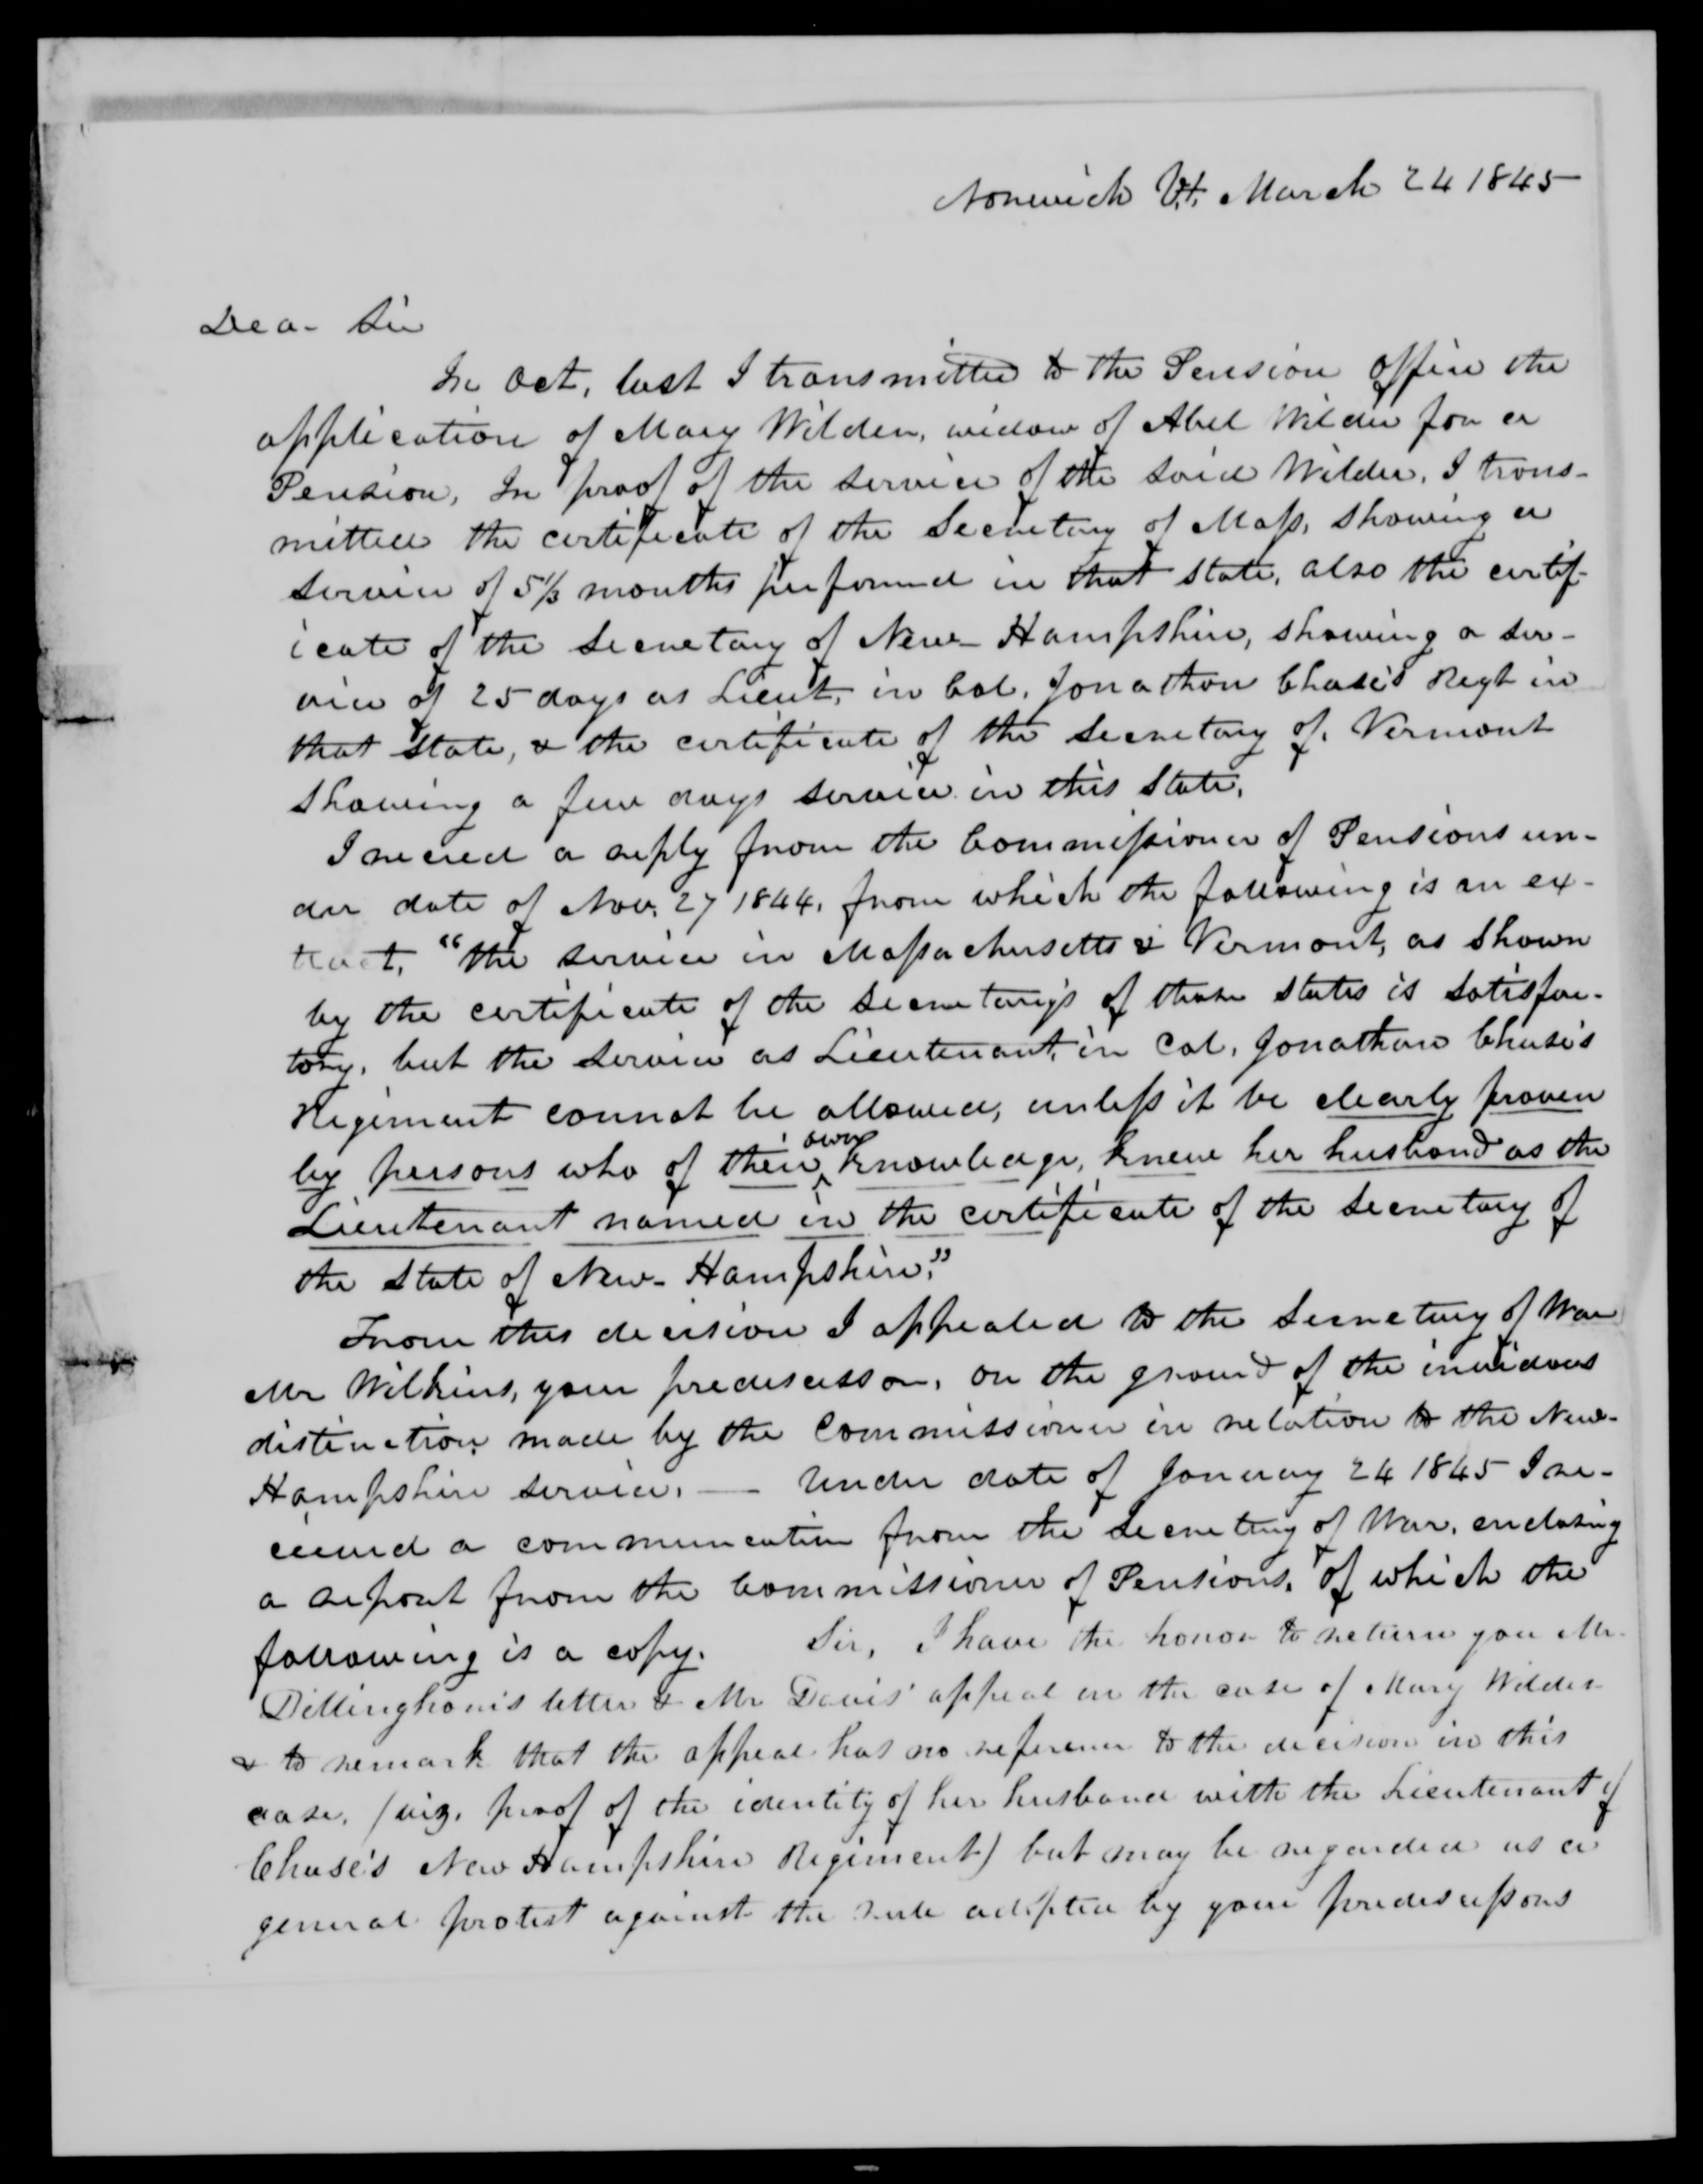Norwich Vt. March 24 1845
Dear Sir
In Oct, last I transmitted to the Pension office the
application of Mary Wilder, widow of Abel Wilder for a
Pension, In proof of the service of the said Wilder, I transmitted
the certificate of the Secretary of Mass showing a
service of 5 1/2 months performed in that State, also the certificate
of the Secretary of New Hampshire, showing a service
of 25 days as Lieut. in Col. Jonathan Chase's Reg. in
that State, & the certificate of the Secretary of Vermont
showing a few days service in this State.
I received a reply from the Commissioner of Pensions under
date of Nov 27 1844, from which the following is an extract,
"the service in Massachusetts & Vermont, as shown
by the certificate of the Secretary's of those States is satisfactory,
but the service as Lieutenant in Col. Jonathan Chase's
Regiment cannot be allowed, unless it be clearly proven
by persons of their own knowledge, knew her husband as the
Lieutenant named in the certificate of the Secretary of
the State of New Hampshire."
From this decision I appealed to the Secretary of War
Mr Wilkins, your predecessor, on the ground of the invidious
distinction made by the Commissioner in relation to the New
Hampshire service.-- Under date of January 24 1845 I received
a communication from the Secretary of War, enclosing
a report from the Commissioner of Pensions of which the
following is a copy.
-
Sir, I have the honor to return you Mr
Dillingham's letter & Mr Davis' appeal in the case of Mary Wilder
& to remark that the appeal has no reference to the decision in this
case./ viz. proof of the identity of her husband with the Lieutenant of
Chase's New Hampshire Regiment, but may be regarded as a
general protest against the rule accepted by your predecessors.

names: Dillingham, Davis, Mary Wilder, Wilkins, Abel Wilder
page: 38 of 40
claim: widow's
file: W. 18,426, Abel Wilder, Mass. N.H. Vt.